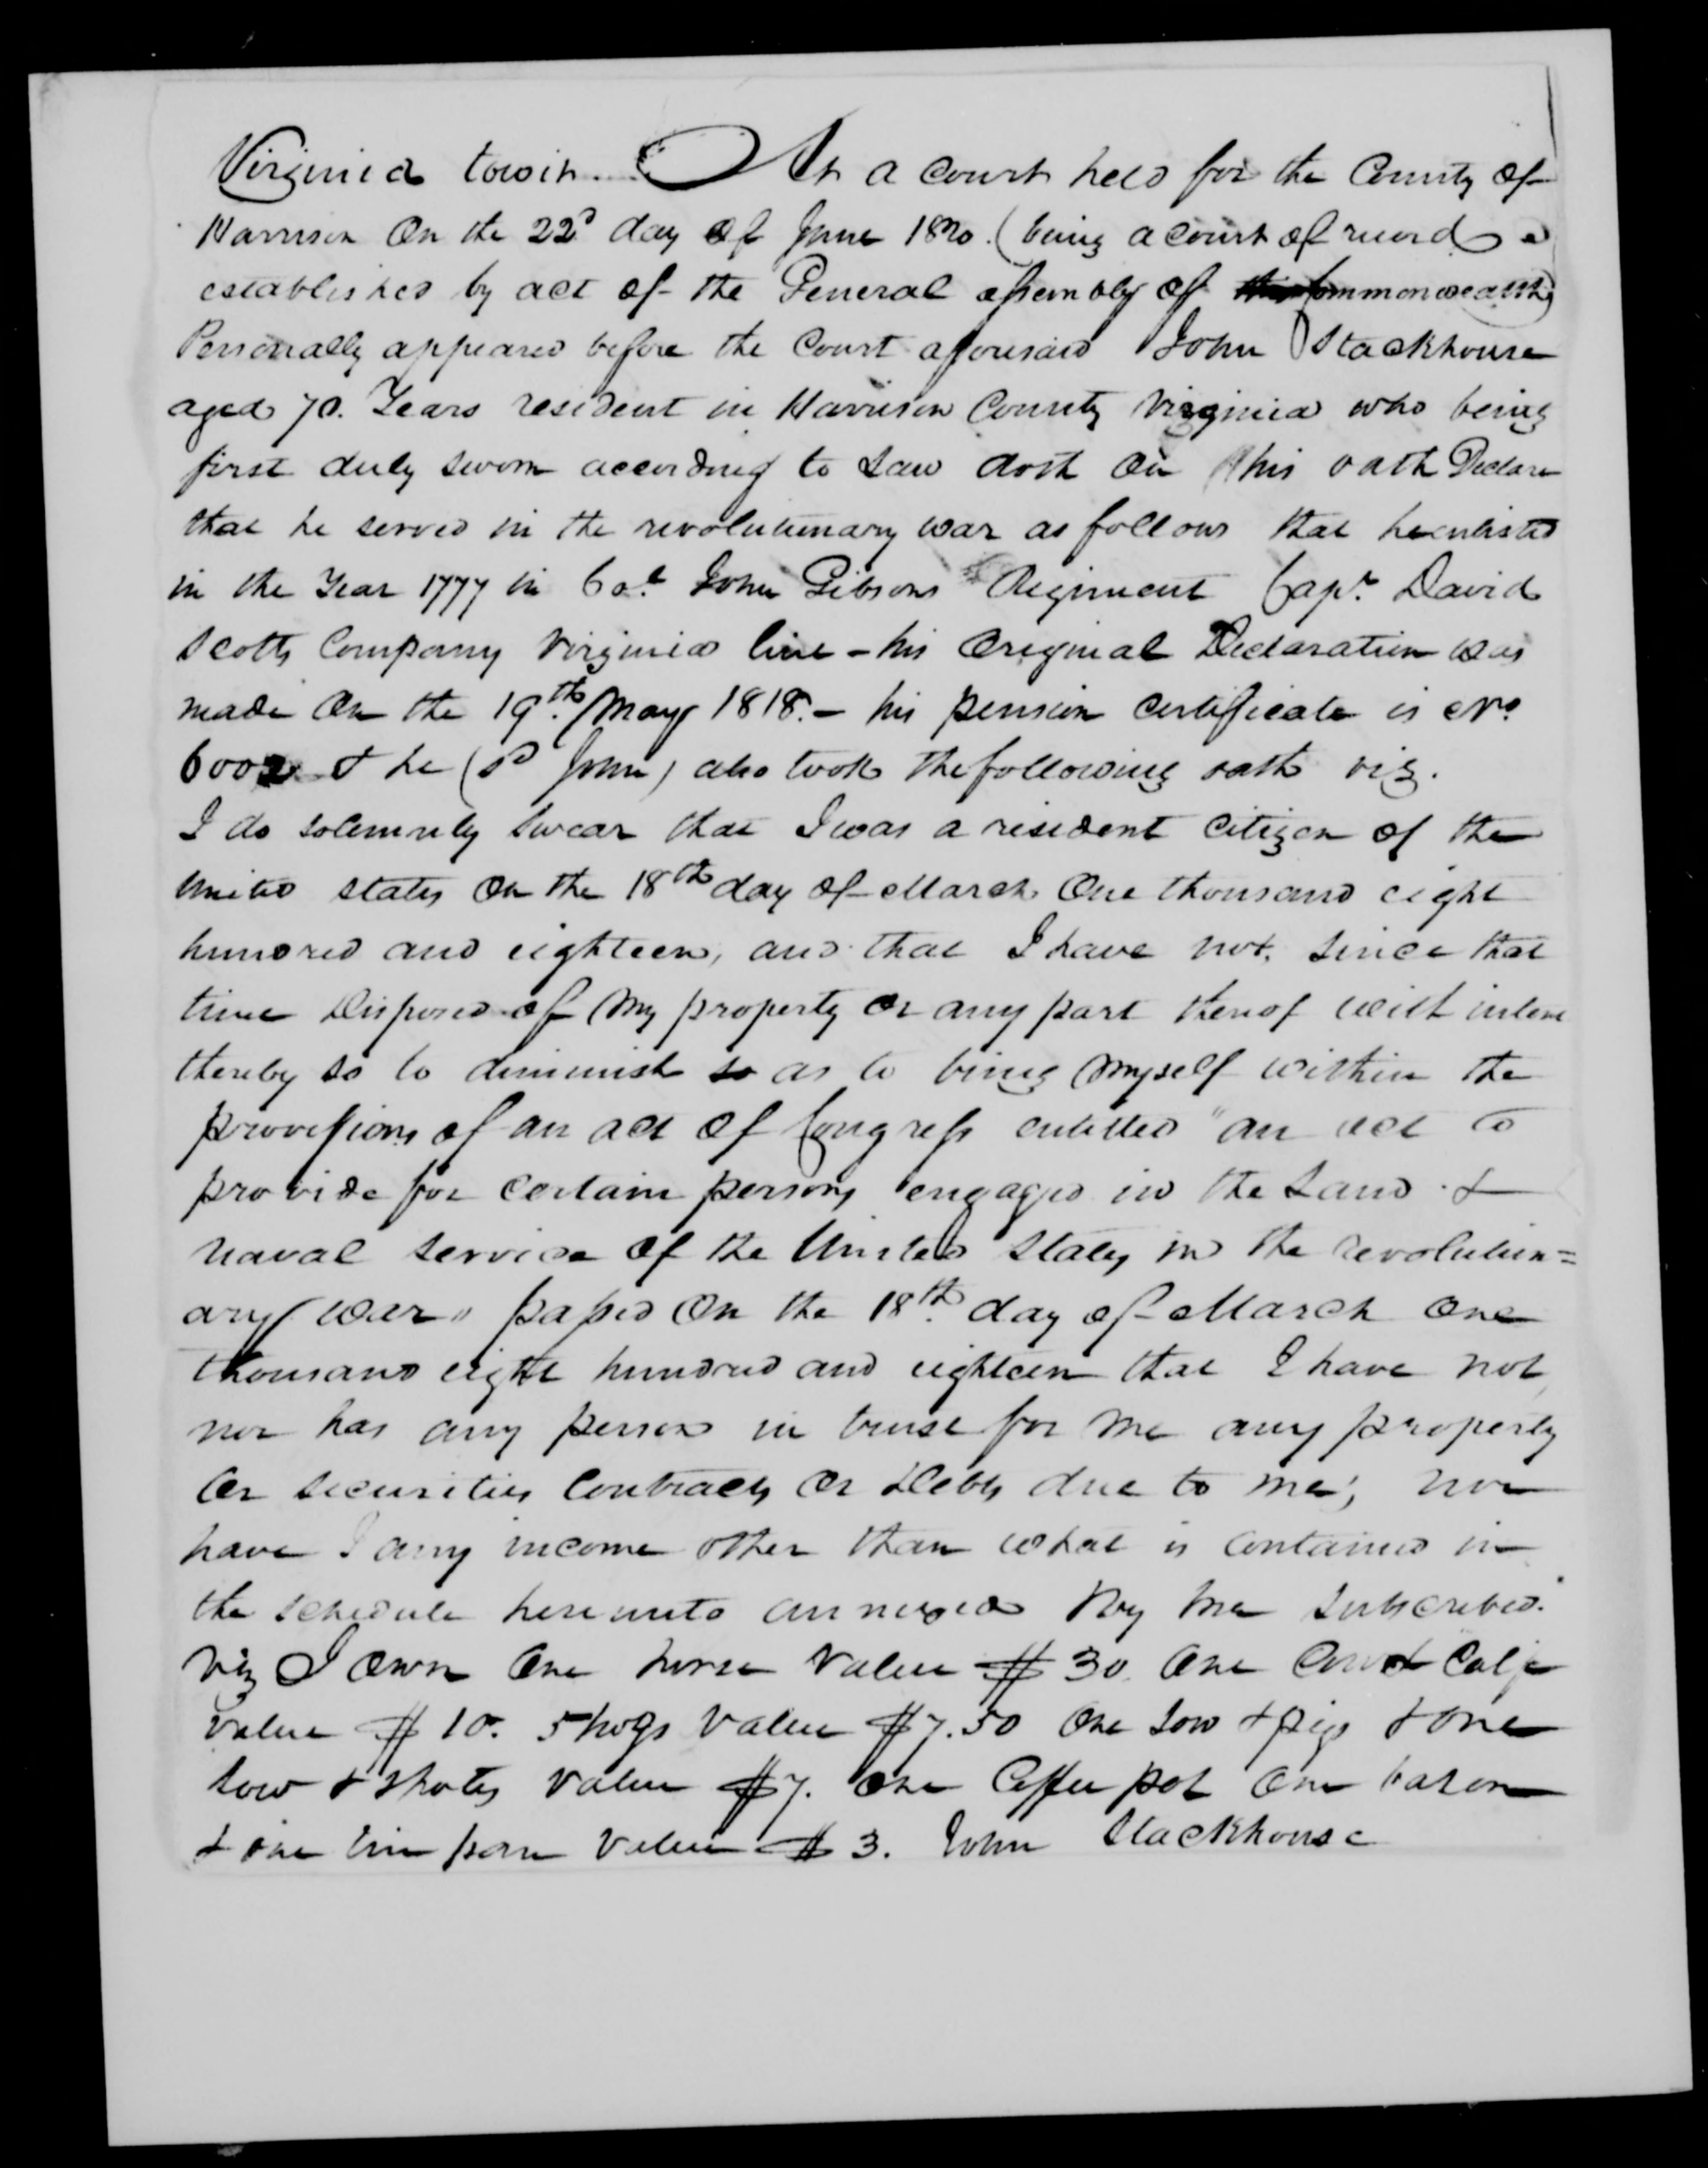Virginia to wit At a Court held for the County of Harrison On the 22d day of June 1820. (being a Court of record established by Act of the General Assembly of the Commonwealth) Personally appeared before the Court aforesaid John Stackhouse aged 70. Years resident in Harrison County Virginia who being first duly sworn according to Law doth on his oath Declare that he served in the revolutionary war as follows that he enlisted in the Year 1777 in Col. John Gibsons Regiment Capt. David Scotts Company Virginia line - his Original Declaration was made On the 19th May 1818.- His pension certificate is No. 6002 & he (sd John) also took the following oath viz.
I do solemnly Swear that I was a resident Citizen of the United States on the 18th day of March One thousand eight hundred and eighteen, and that I have not since that time Disposed of my property or any part thereof with intent thereby so to diminish it as to bring myself within the provisions of an act of Congress entitled "an act to provide for certain persons engaged in the Land & Naval Service of the United States in the revolutionary war" passed on the 18th day of March one thousand eight hundred and eighteen that I have not nor has any person in trust for me any property or securities contracts or debts due to me; nor have I any income other than what is contained in the schedule hereunto annexed by me subscribed. 
viz I own one horse value $30, one cow & calf value $10. 5 hogs value $7.50 One sow & pigs & one cow & shoats value $7. One coffee pot one basin & one tin pan value $3. John Stackhouse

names: John Stackhouse; John Stackhouse; John [BLANK]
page: 7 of 19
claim: survivor's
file: S. 38,409, for John Stackhouse, Virginia